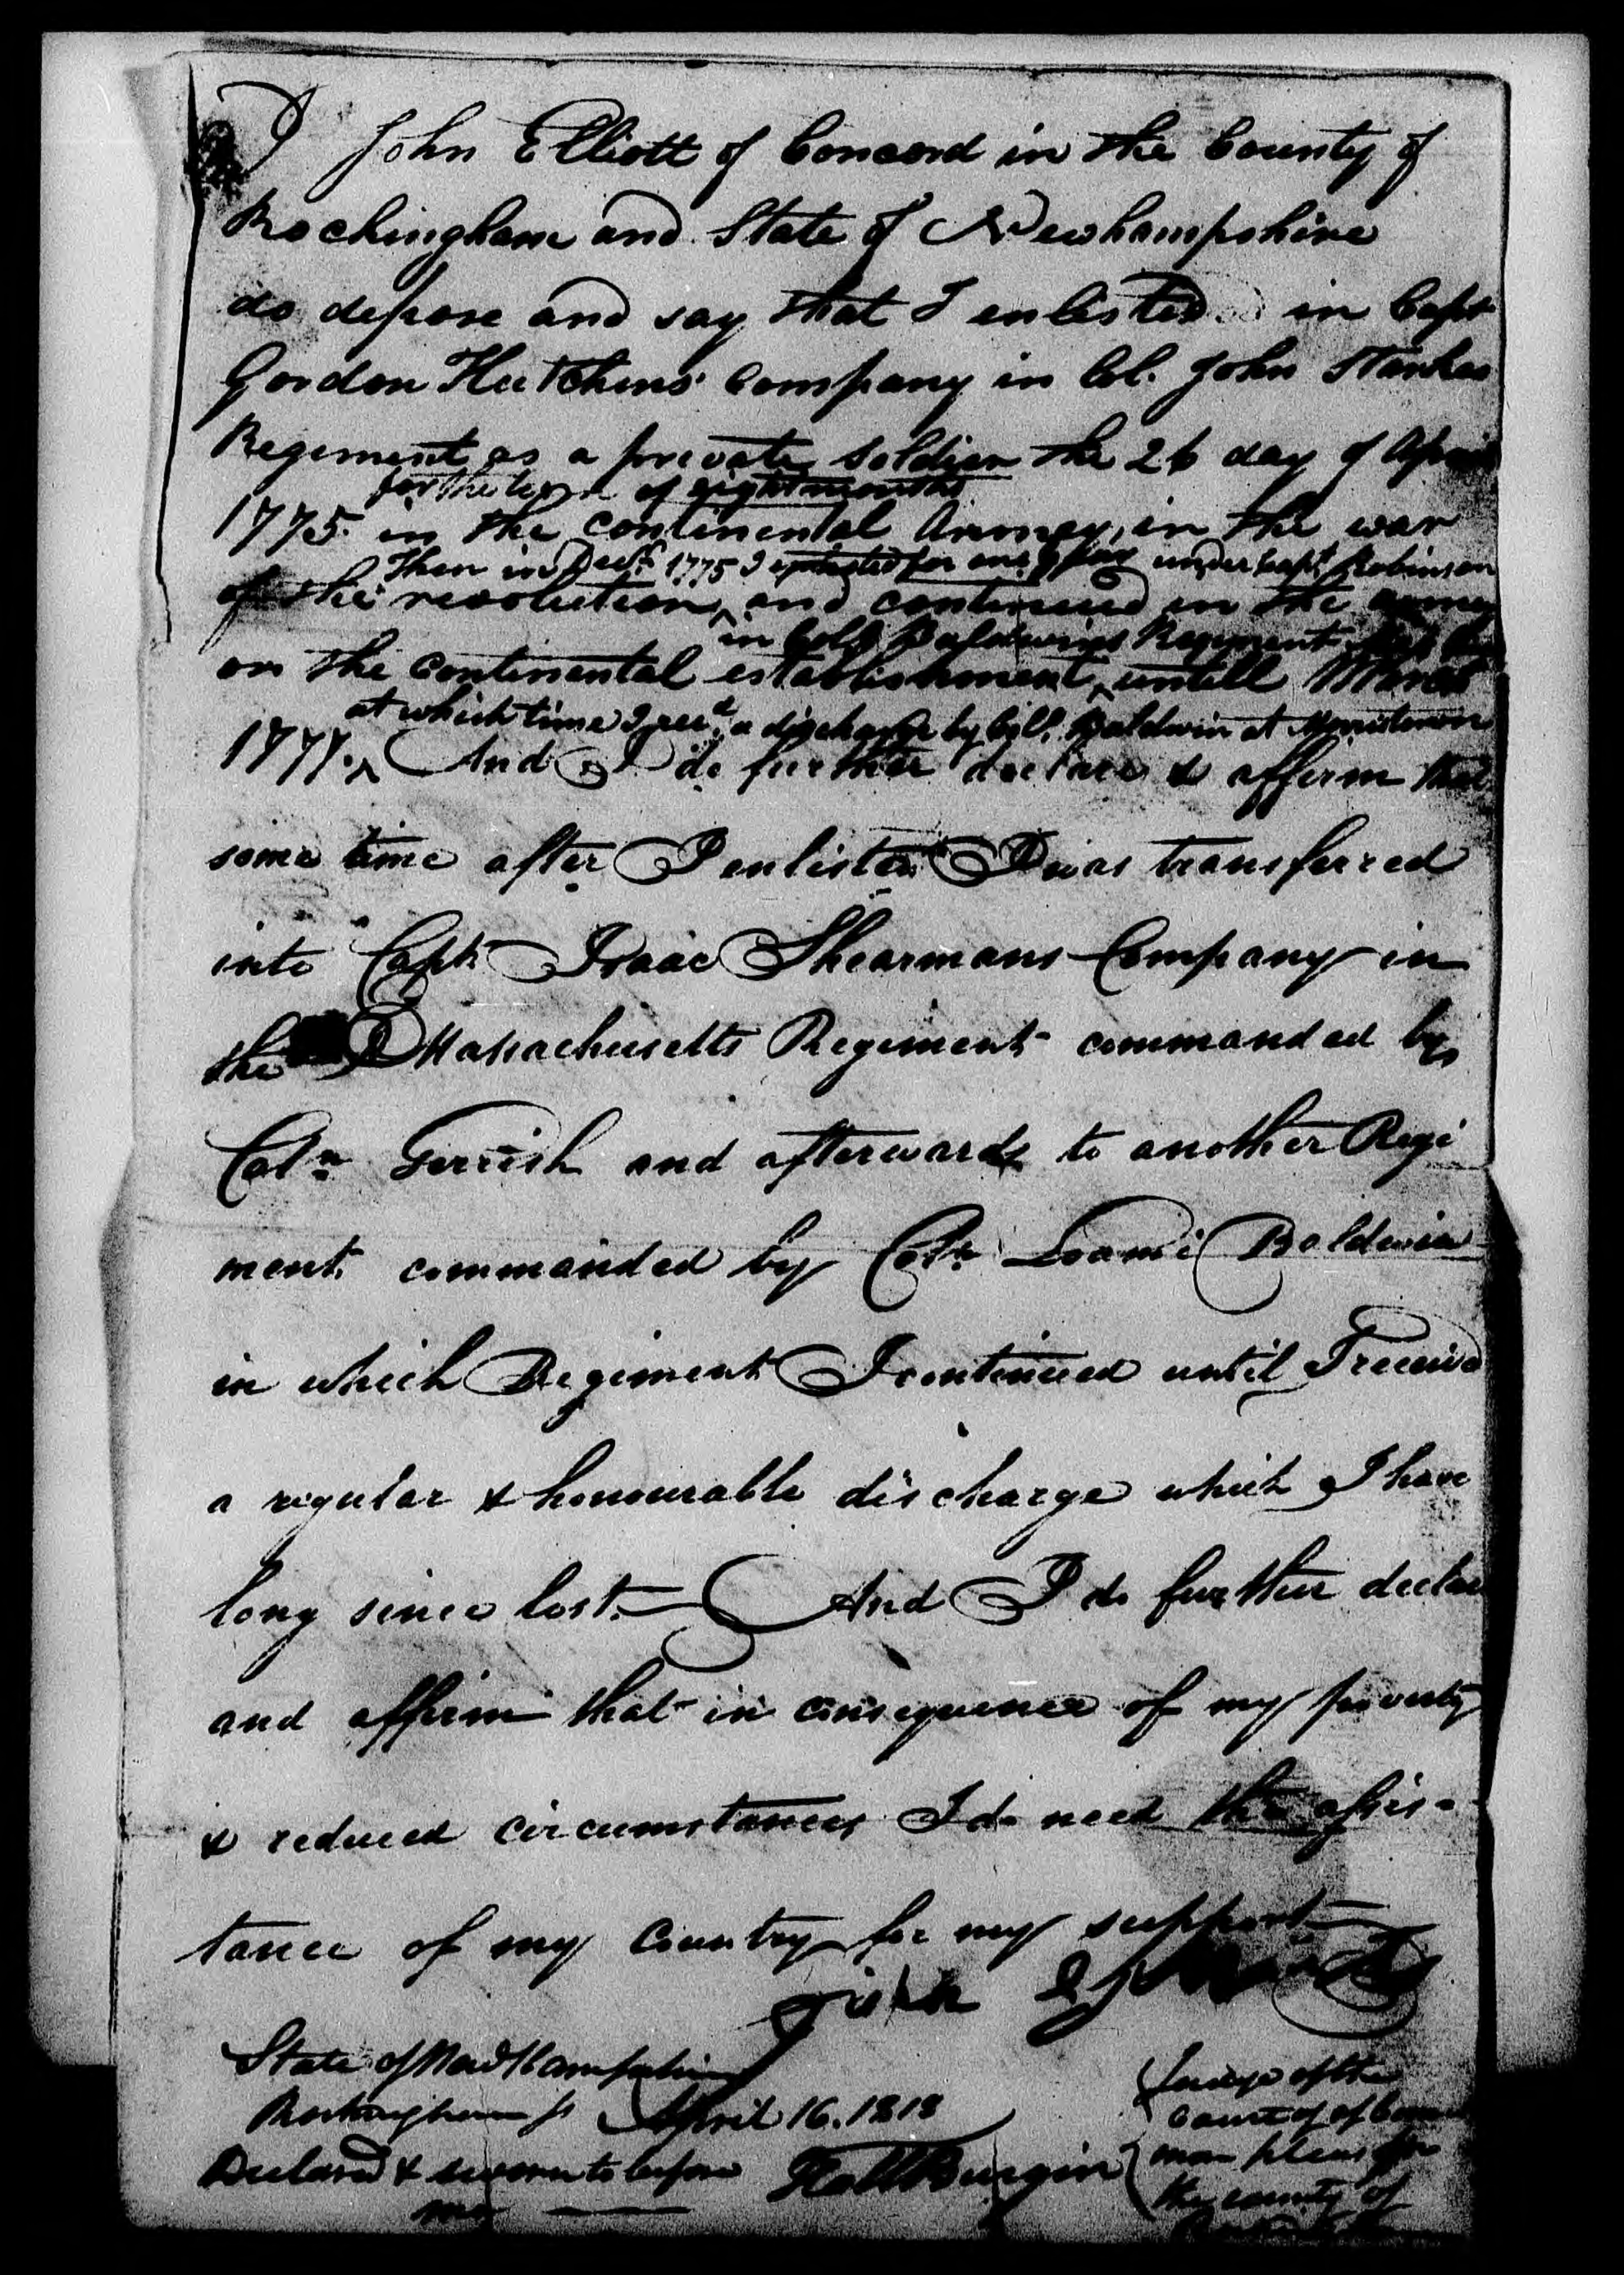I John Elliott of command in the County of Rockingham and State of Newhampshire as depose amd say that I am enlisted in Capt Jordon [illegible] company in Col. John [illegible] regiment as a private soldier the 26 day of April 1775 in the Continental Army in the War of the Revolution for the length of eight months.Then in Dec. of 1775 I enlisted for and [illegible] under Capt. Robinson in Col [illegible] regiment [illegible], and continued in the army on the continental establishment untill [illegible] at which time I [illegible] by Col. Baldwin at  [illegible]. 1777 [illegible] I affirm that some time after [illegible] transferred into Capt. Isaac Sherman's regiment commanded by Col. [illegible] and afterward to another regiment commanded by [illegible] Baldwin in which regiment I continued until received regular & honorable discharge which I have long since lost. And I do further declare and affirm that in consequence of my [illegible] & reduced circumstances I do need the assistance of my country for my support [illegible] State of Newhampshirre Rockingham April 16,1818 Declared & sworn before me [illegible] Burgain Judge of the county of [illegible]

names: Gerrish, Loami Baldwin, John Elliott, John Elliot, Baldwin, Hall Burgin, Robinson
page: 5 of 57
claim: widow's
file: W. 16,114, John Elliot, Continental (Mass) N.H.